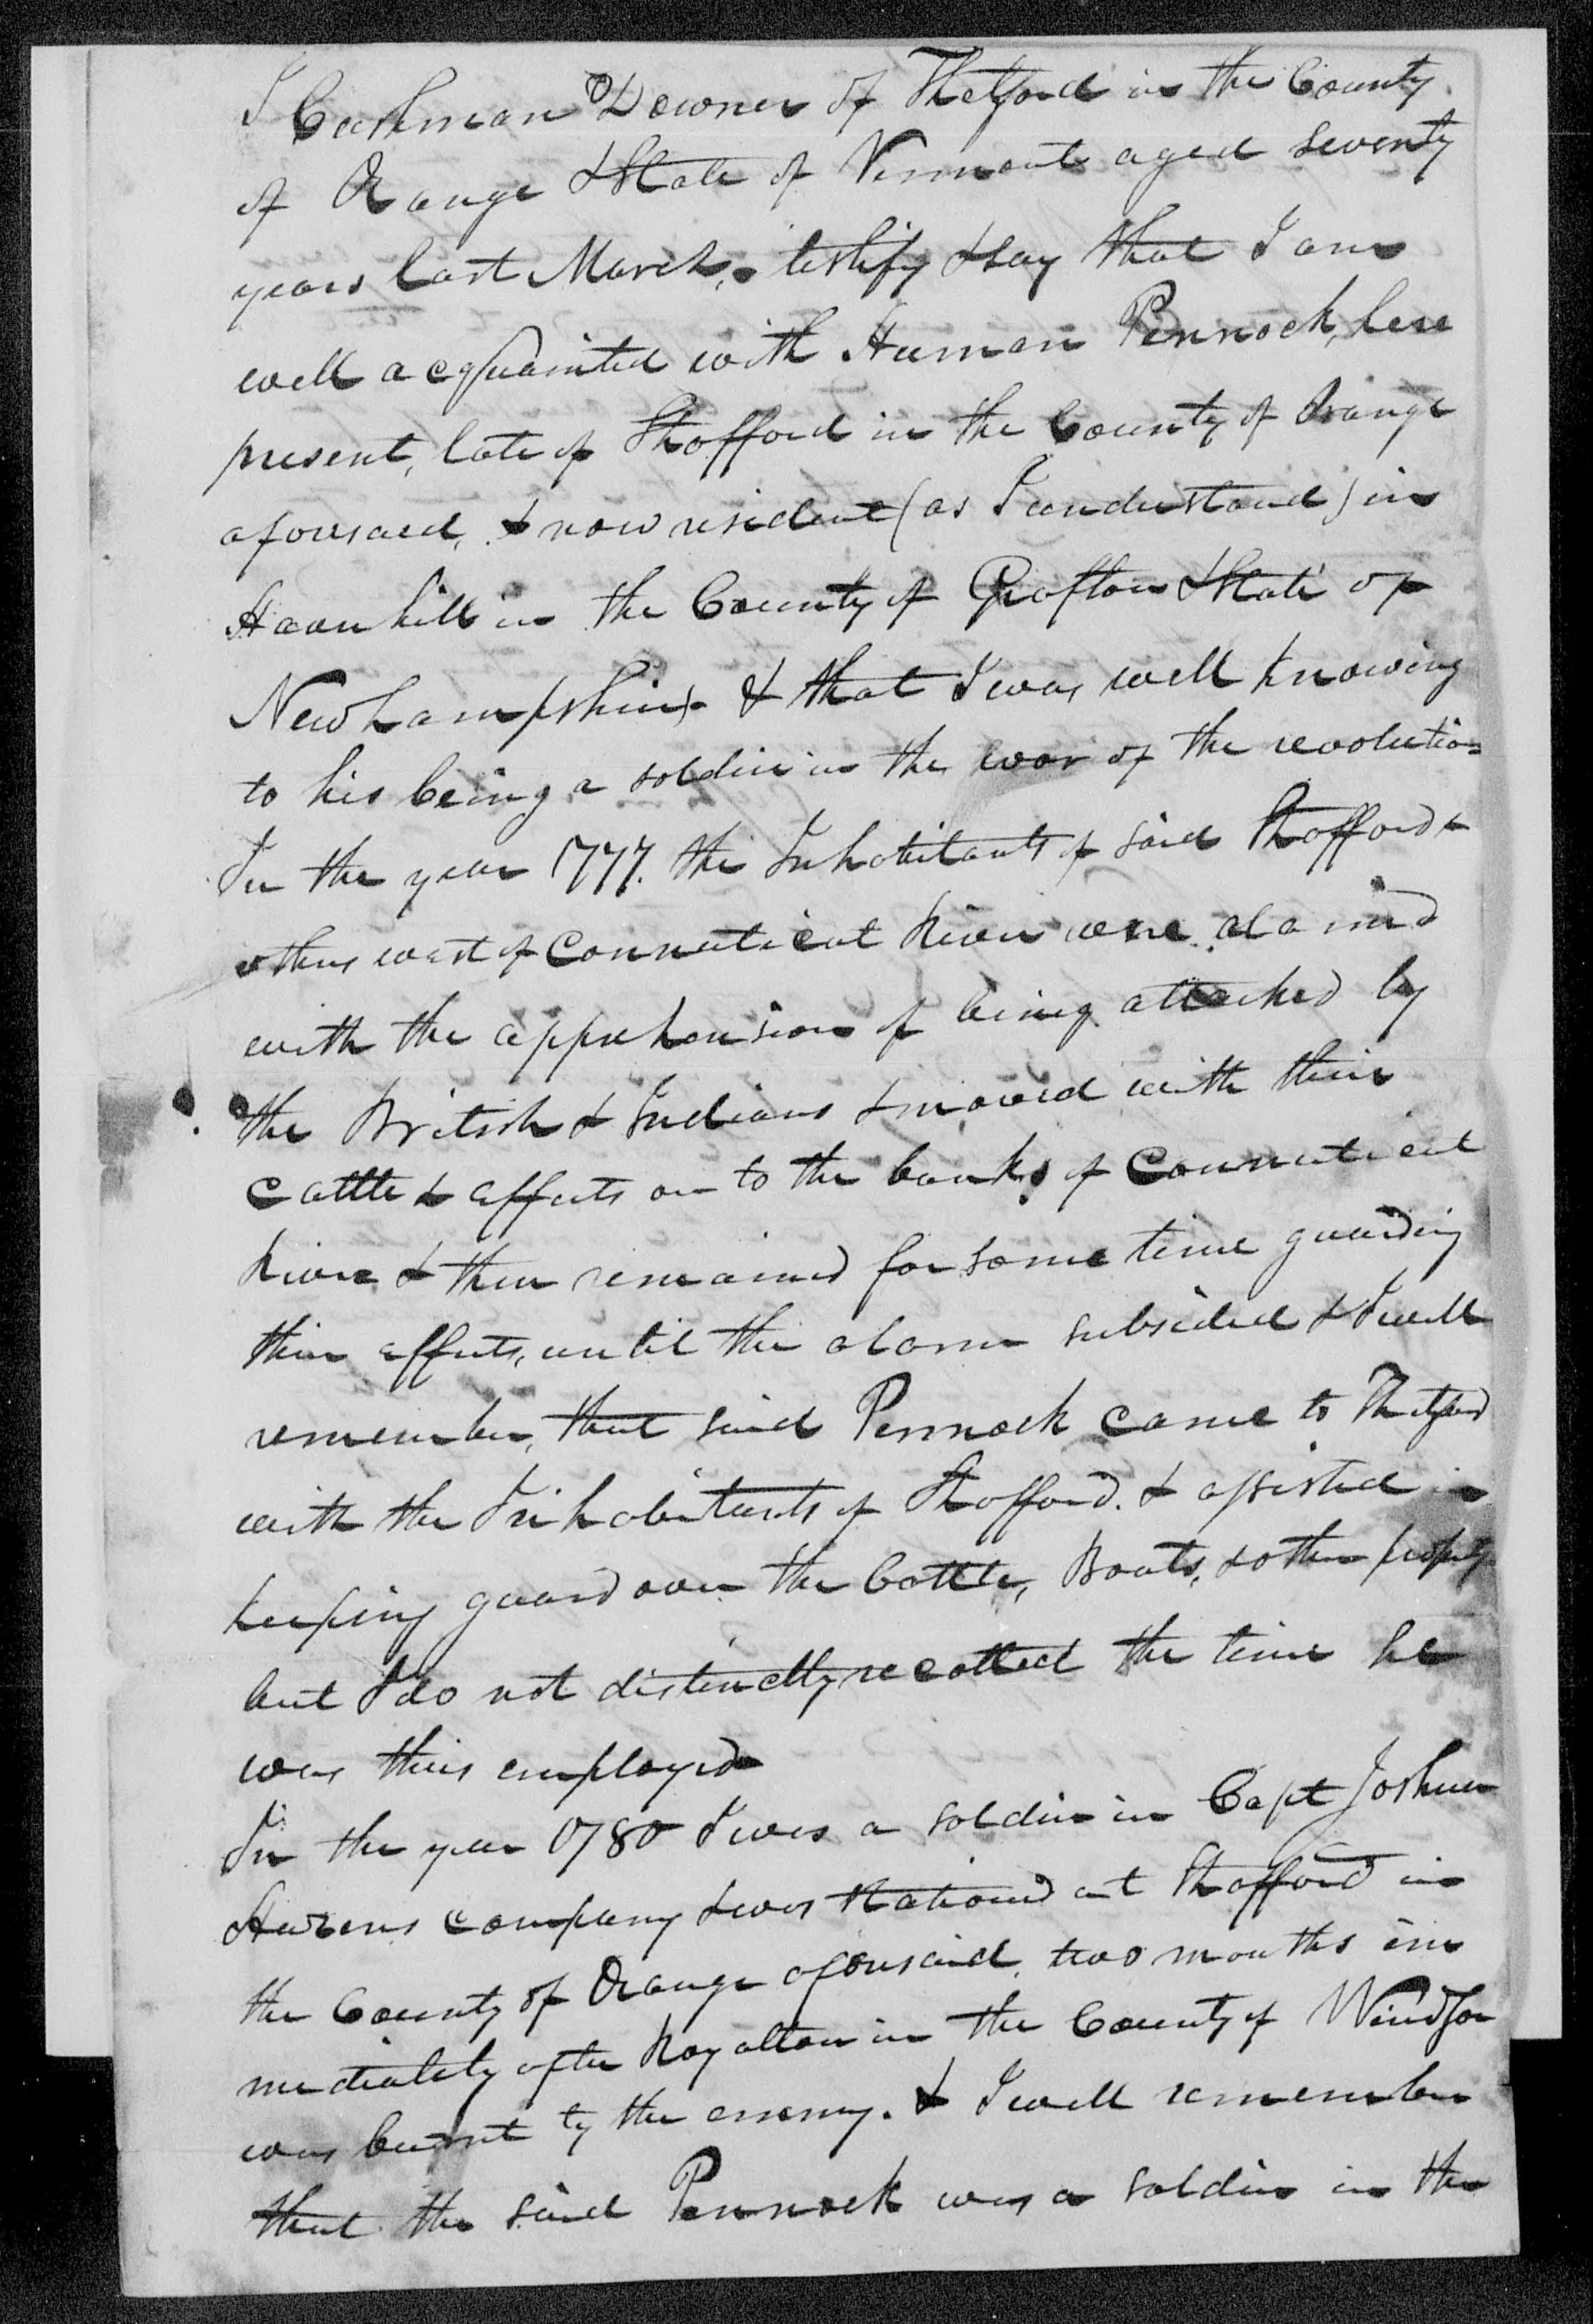I Cushman Downer of Thetford in the County of Orange State of Vermont aged Seventy years last March testify & say that I am well acquainted with Haman Pennock here present late of Strafford in the County of Orange aforesaid now resident (as I understand) is Haverhill in the County of Grafton State of New Hampshire & that I was well knowing to his being a soldier in the war of the revolution in the year 1777. The Inhabitants of said Strafford there went in Connecticut River who alarmed with the apprehensions of being attacked by the British & Indians Invaded with their cattle & affects on to the banks of Connecticut River & there remained for some time guarding their effects, until the alarm subsided & Further remember that said Pennock came to Thetford with the Inhabitants of Strafford. I assisted in keeping guard over the Cattle, Boats, & other property but I do not distinctly recollect the time he was their employed.

In the year 1780 I was a soldier in Capt Joshua Hazens company & stationed at Strafford  in the County of Orange aforesaid two months immediately after Royalton was burnt by the enemy in the County of Windsor. I well remember that the said Pennock was a soldier in the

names: Herman Pennock; Cashman Downer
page: 9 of 12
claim: survivor's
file: S. 18,158, for Haman Pennock, Vermont